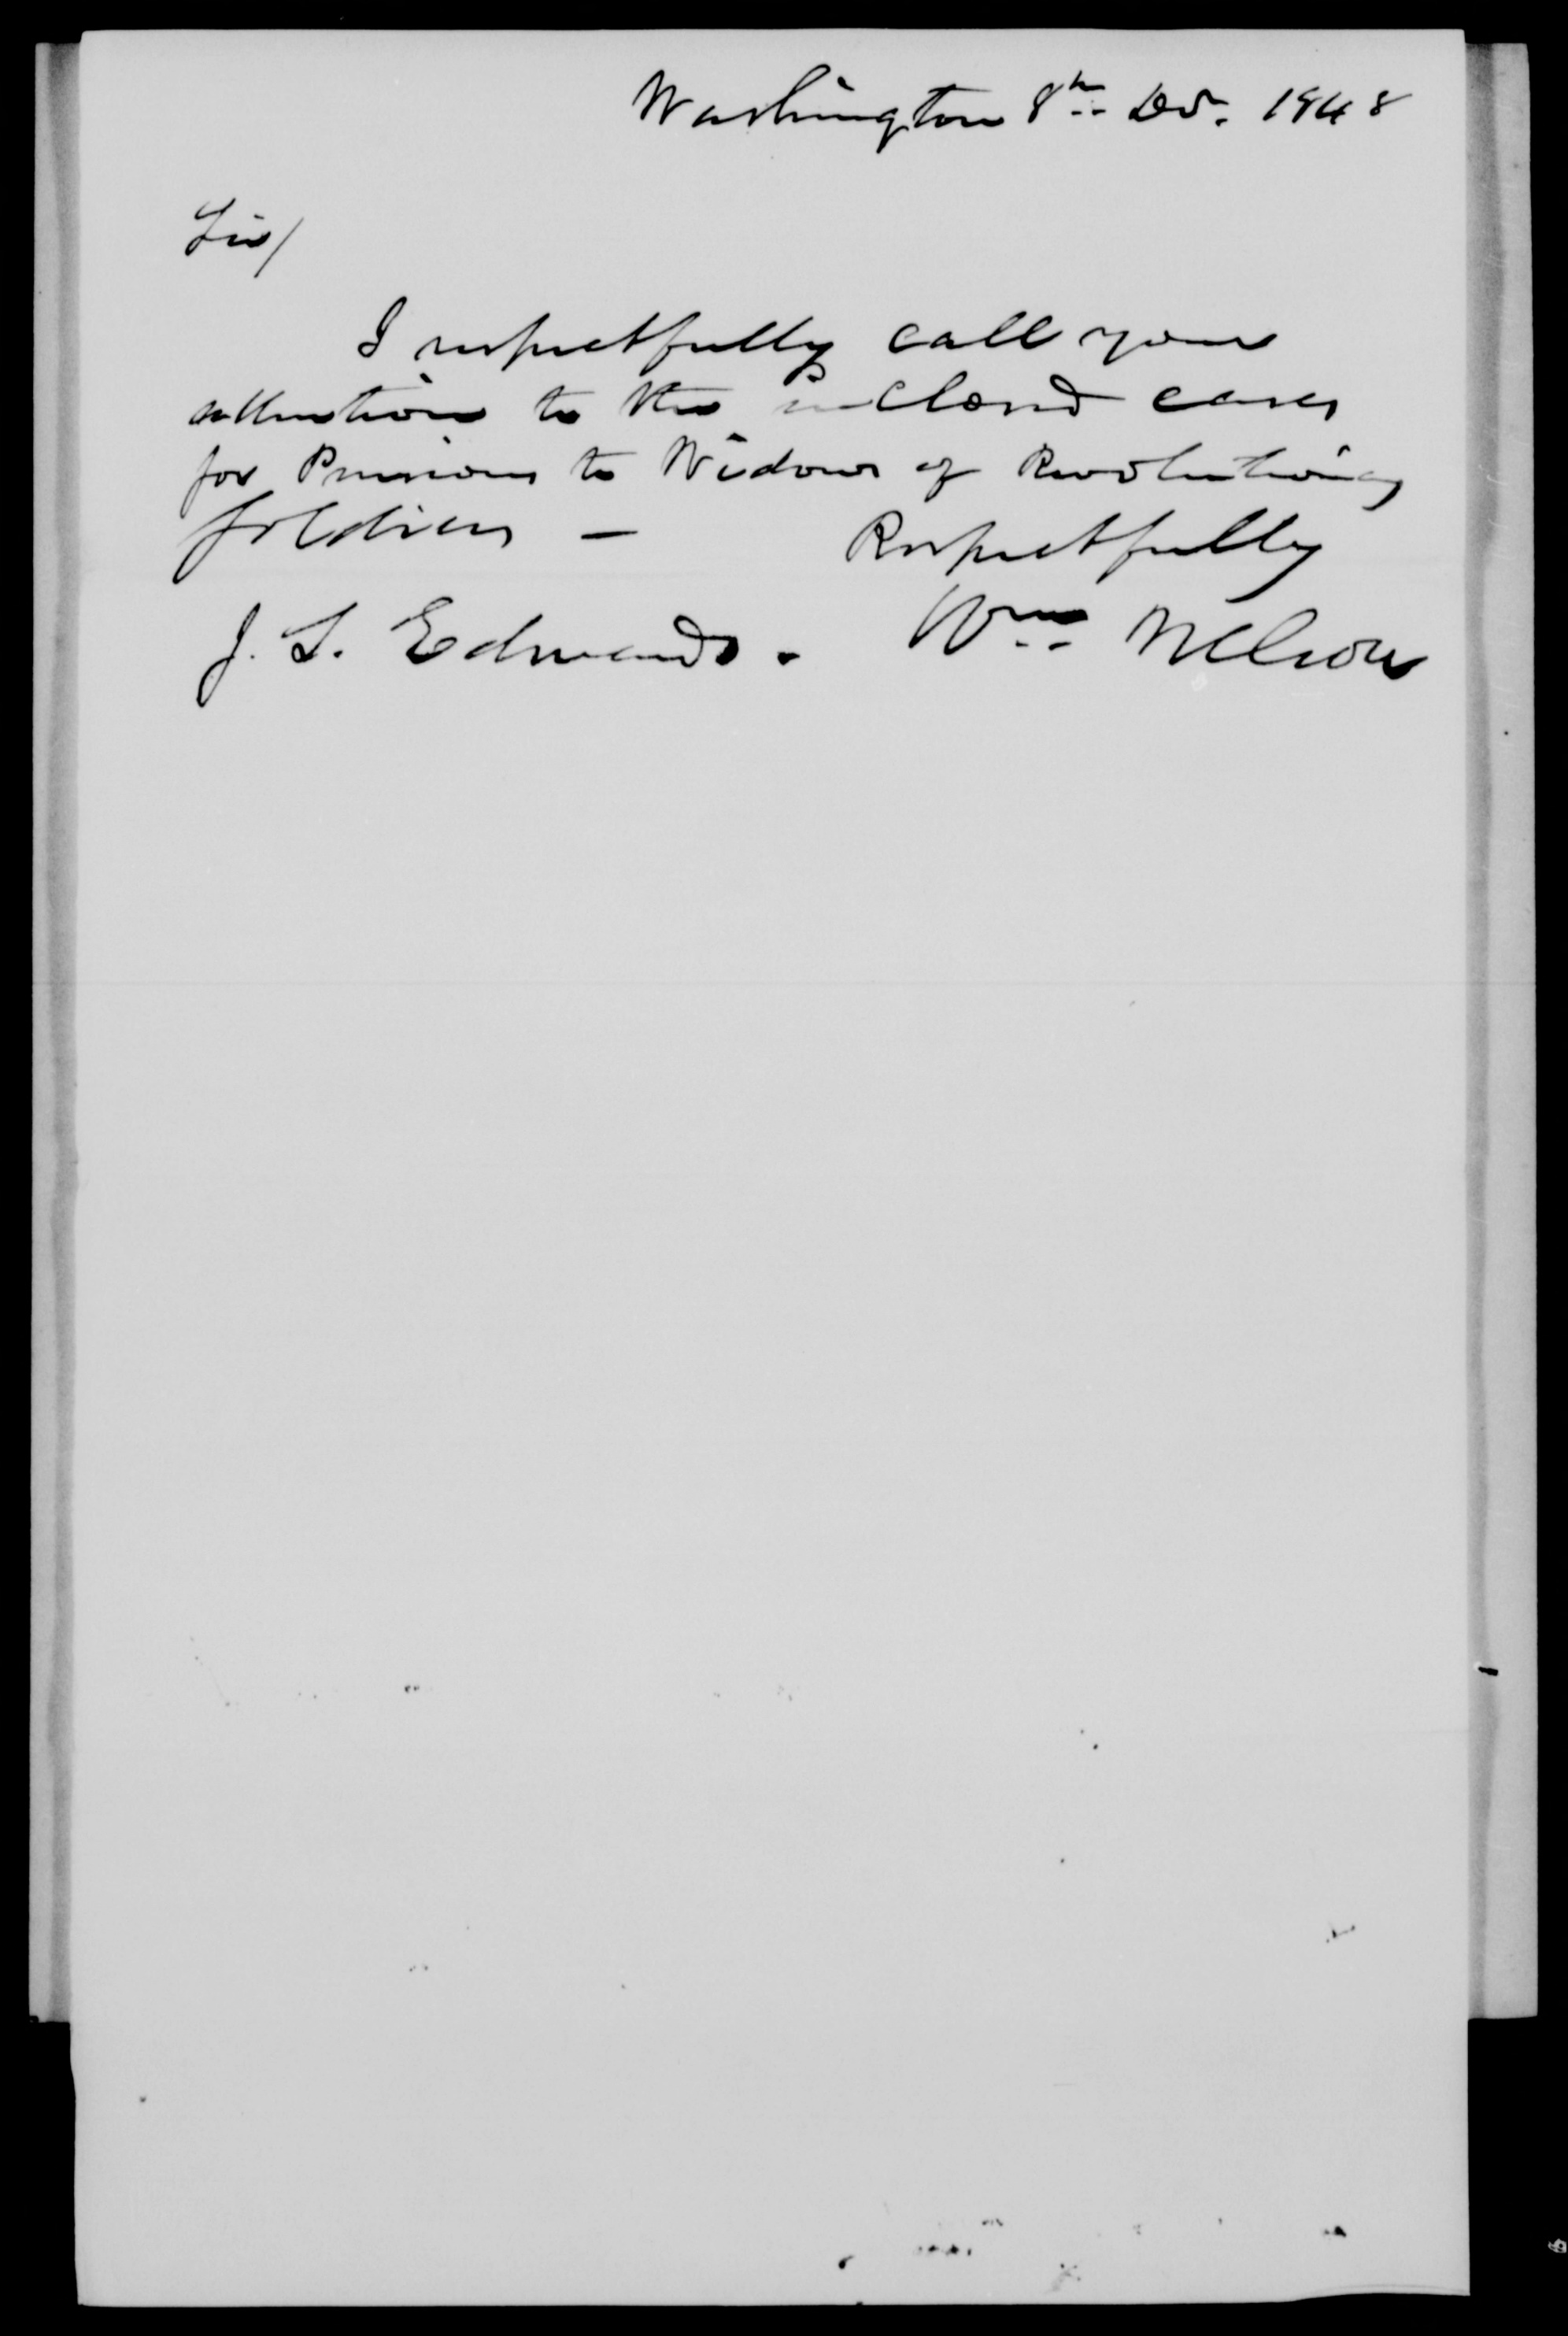Washington 8th Dec. 1848 
Sir 
I respectfully call your attention to the inclosed cases for Pensions to Widows of Revolution soldiers  
Respectfully Wm. Nelson
- J. L. Edwards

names: J L Edwards; Wm Nelson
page: 76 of 87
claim: widow's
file: W. 22,226, for Nathan Slawson, Connecticut